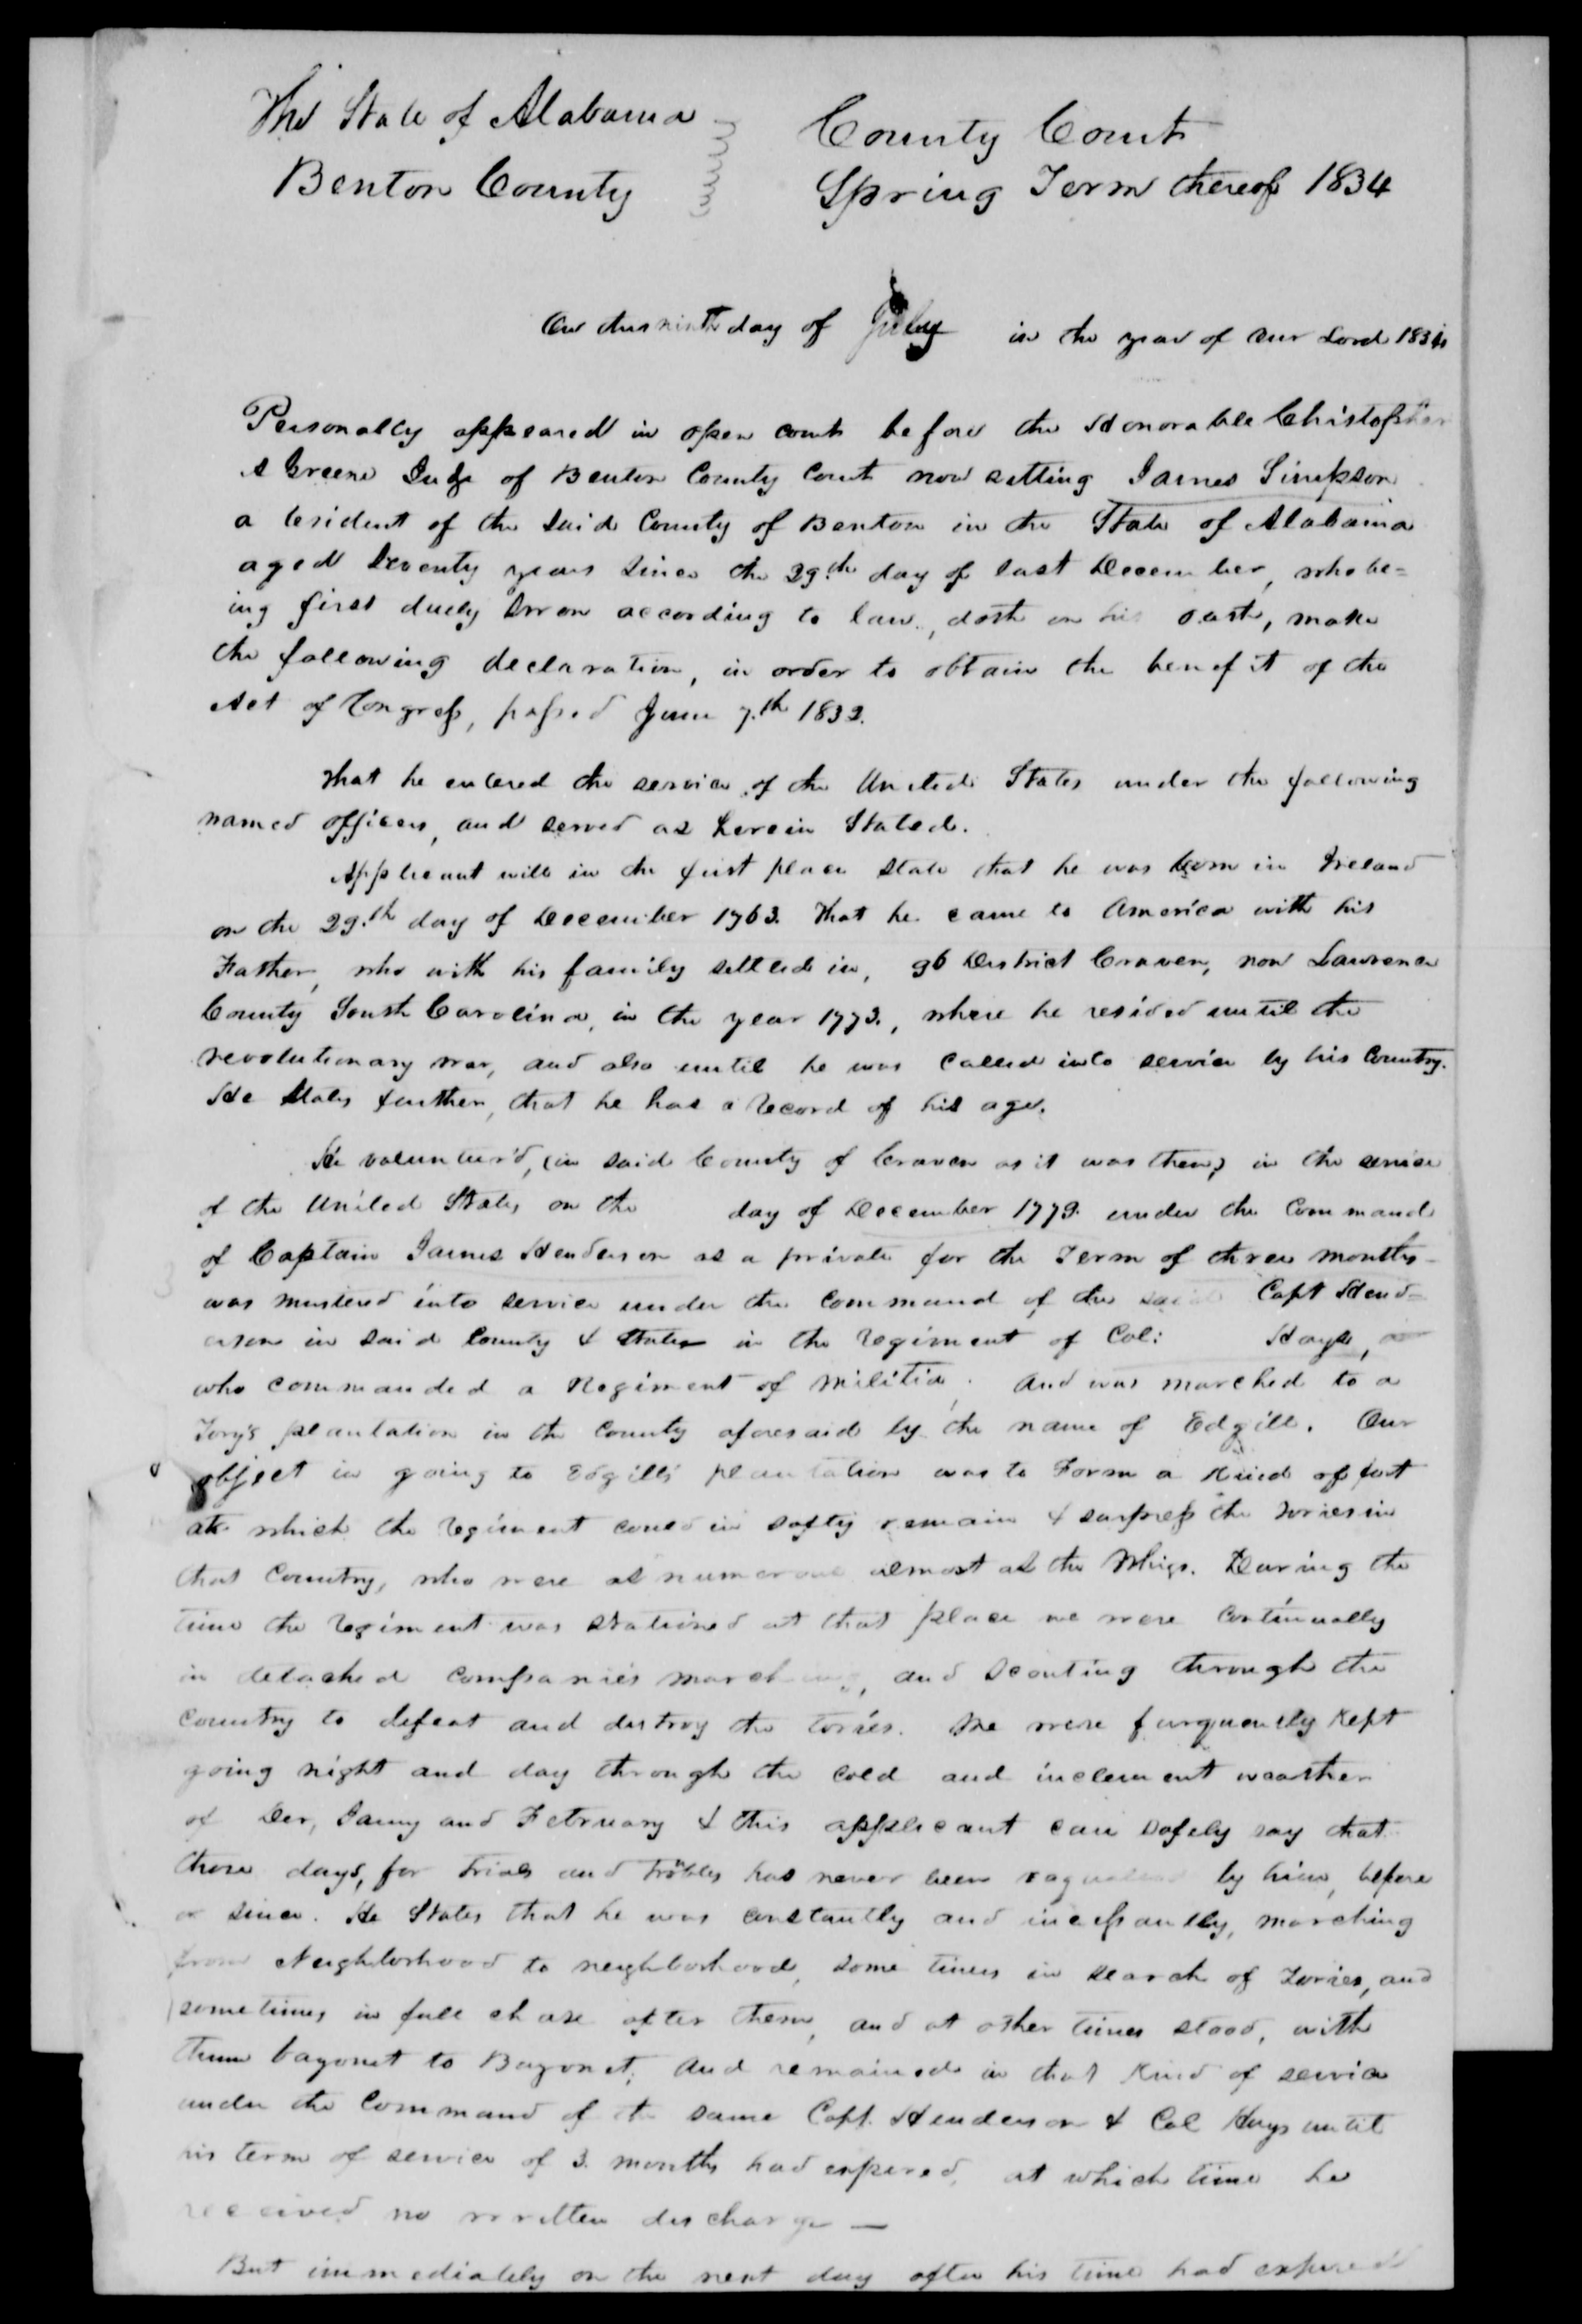The State of Alabama  }  County Court
Benton County    }   Spring Term thereof 1834

   On this ninth day of July in the year of our Lord 1834 
Personally appeared in the open court before the Honorable Christopher A. Greene Judge of Benton County Court now sitting James Simpson a resident of the Said County of Benton in the State of Alabama aged Seventy years since the 29th day of last December, who being first duly sworn according to law, doth on his oath, make the following declaration, in order to obtain the benefit of the Act of Congress, passed June 7th 1832.
   That he entered the service of the United States under the following named officers, and served as herein Stated.
   Applicant will in the first place state that he was born in Ireland on the 29th day of December 1763.  That he came to America with his Father, who with his family settled in, 96 District Craven, now Lawrence County South Carolina, in the year 1773, where he resided until the revolutionary war, and also until he was called into service by his Country.  He States further, that he has a record of his age.
   He volunteered in said County of Craven as it was then, in the service of the United States, on the [blank space] day of December 1779 under the Command of Captain James Henderson as a private for the Term of three months - was mustered into service under the command of the said Capt Henderson in said County & State in the regiment of Col: Hays, who commanded a regiment of militia, and was marched to a Tory's plantation in the County aforesaid by the name of Edgill.  Our object in going to Edgill's plantation was to Form a raid of fort at which the regiment could in safety remain & supress the Tories in that Country, who were as numerous almost as the Whigs.  During the time the regiment was stationed at that place we were continually in detached companies marching, and scouting through the country to defeat and destroy the Tories.  The men frequently left going night and day through the cold and inclement weather of Dec, Jany, and February & this applicant can safely say that those days, for trial and troubles and never been requested by him, before or since.  He States that he was constantly and incessantly, marching from neighborhood to neighborhood, some times in search of Tories, and sometimes in full chase after them, and at other times stood, with them bayonet to bayonet, and remained in that kind of service under the command of the same Capt Henderson & Col Hays until his term of service of 3 months had expired, at which time he received no written discharge -- 
   But immediately on the next day after his time had expired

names: Chistopher A Greene; [BLANK] Henderson; James Simpson; [BLANK] Henderson; [BLANK] Edgill; [BLANK] Edgill; [BLANK] Hays; James Henderson; [BLANK] Hays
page: 4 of 17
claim: survivor's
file: S. 11401, for James Simpson, South Carolina